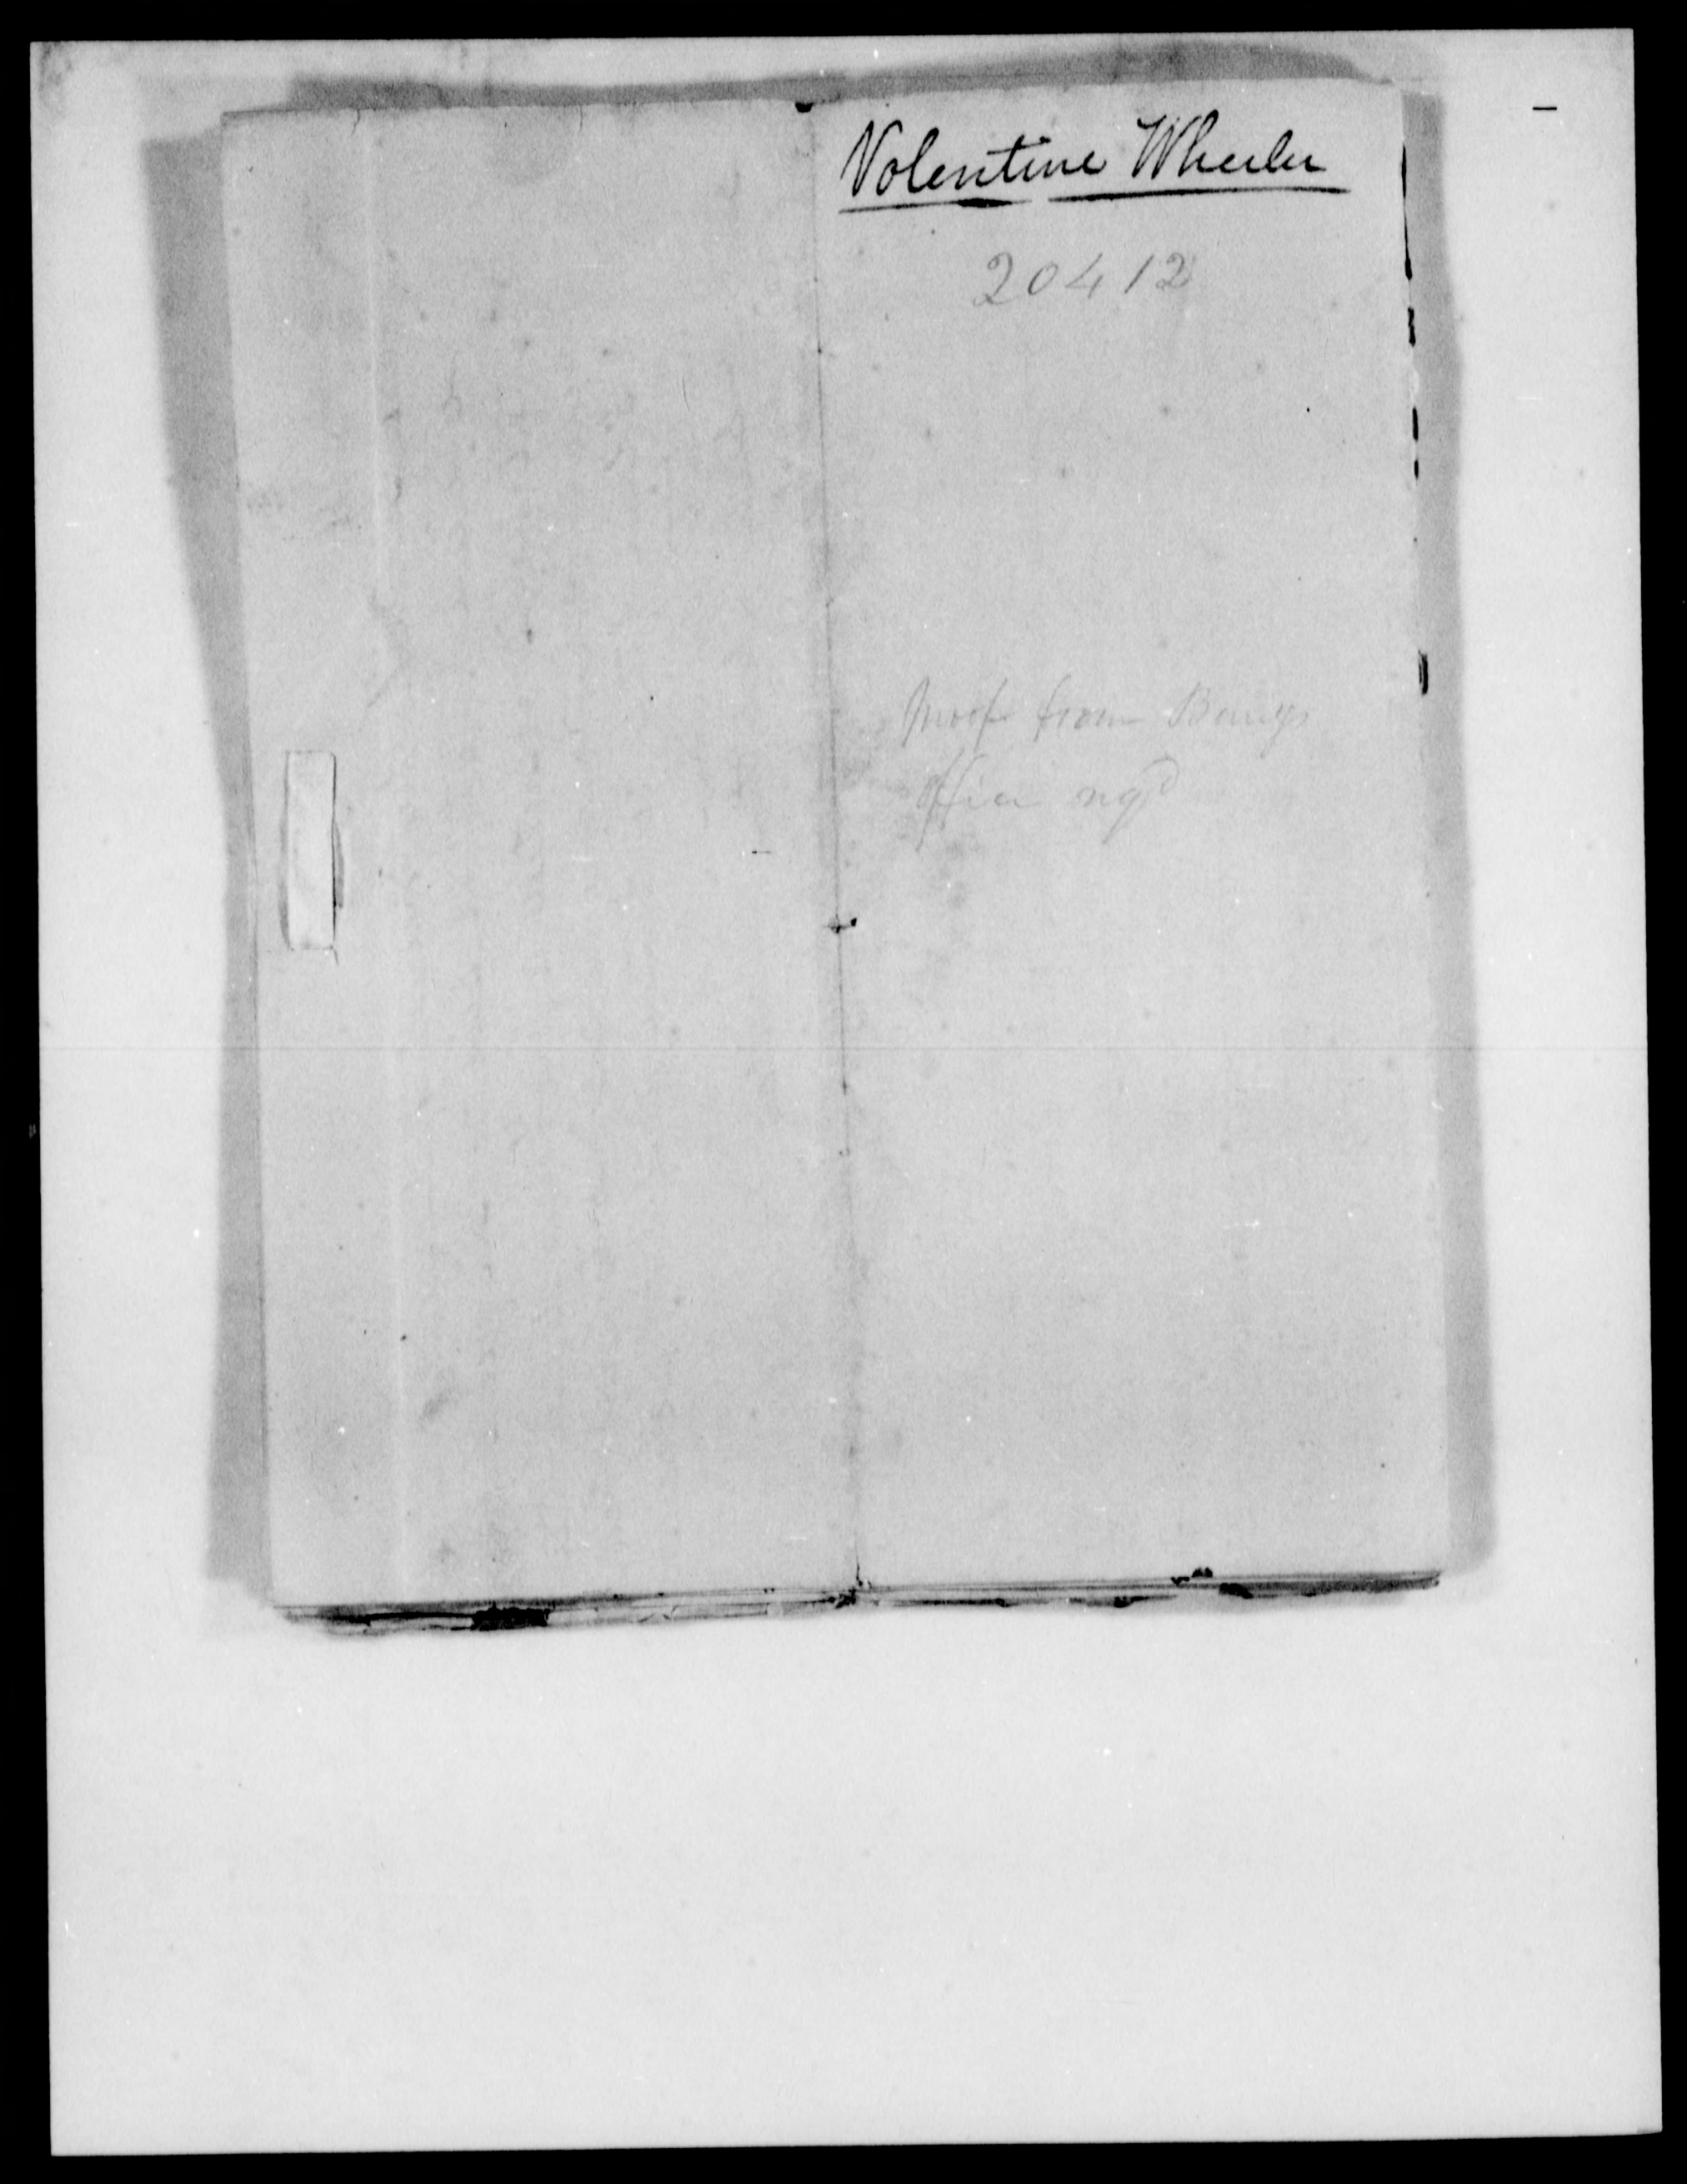Volentine Wheeler
20412

Proof from Bangs office req'd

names: Volentine Wheeler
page: 3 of 98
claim: widow's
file: W. 1682, Valentine Wheeler, Mass.